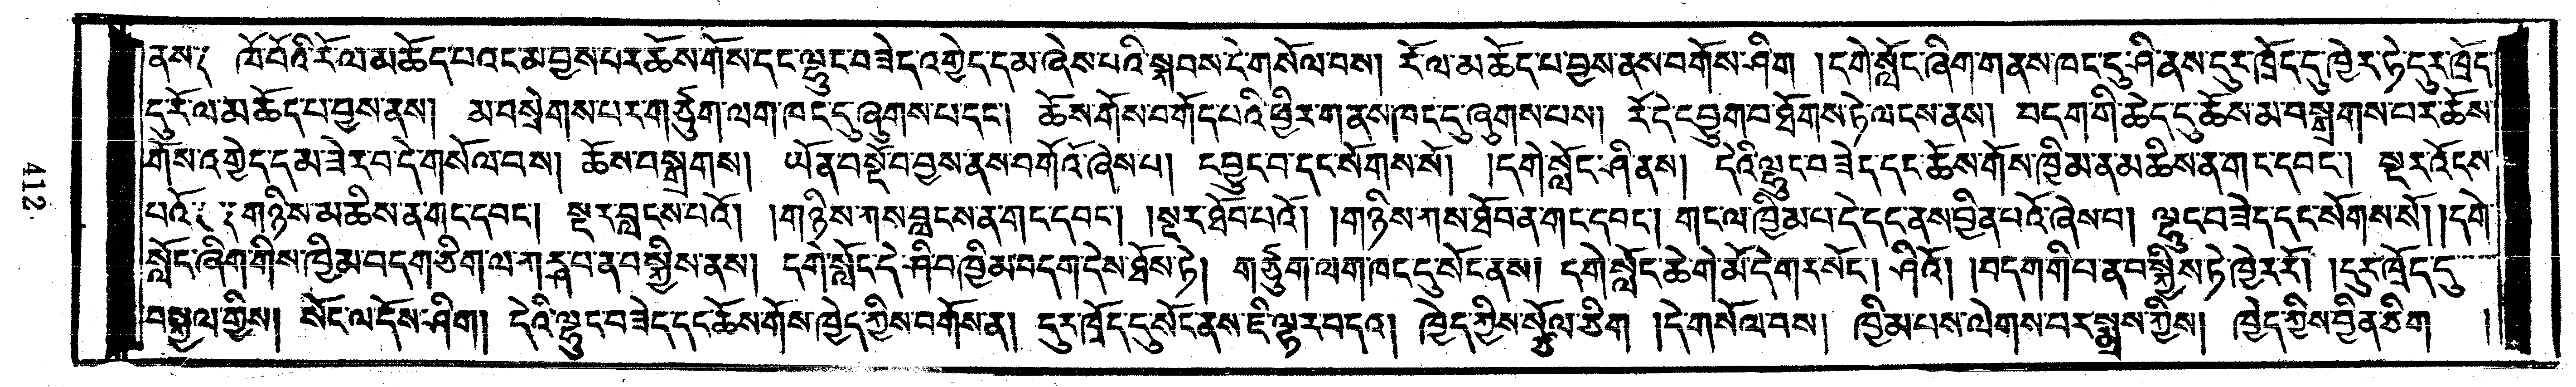ནས༑ ཁོ་བོའི་རོ་ལ་མཆོད་པའང་མ་བྱས་པར་ཆོས་གོས་དང་ལྷུང་བཟེད་འགྱེད་དམ་ཞེས་པའི་སྐབས་དེ་གསོལ་བས། རོ་ལ་མཆོད་པ་བྱས་ནས་བགོས་ཤིག །དགེ་སློང་ཞིག་གནས་ཁང་དུ་ཤི་ནས་དུར་ཁྲོད་དུ་ཁྱེར་ཏེ་དུར་ཁྲོད་
དུ་རོ་ལ་མཆོད་པ་བྱས་ནས། མ་བསྲེགས་པར་གཙུག་ལག་ཁང་དུ་ཞུགས་པ་དང་། ཆོས་གོས་བགོད་པའི་ཕྱིར་གནས་ཁང་དུ་ཞུགས་པས། རོ་དེ་དབྱུག་བ་ཐོགས་ཏེ་ལངས་ནས། བདག་གི་ཆེད་དུ་ཆོས་མ་བསྒྲགས་པར་ཆོས་
གོས་འགྱེད་དམ་ཟེར་བ་དེ་གསོལ་བས། ཆོས་བསྒྲགས། ཡོན་བསྔོ་བ་བྱས་ནས་བསྒོའོ་ཞེས་པ། དབྱུང་བ་དང་སོགས་སོ། །དགེ་སློང་ཤི་ནས། དེའི་ལྷུང་བཟེད་དང་ཆོས་གོས་ཁྱིམ་ན་མཆིས་ན་གང་དབང་། སྔར་འོངས་
པའོ༑ ༑གཉིས་མཆིས་ན་གང་དབང་། སྔར་བླངས་པའོ། །གཉིས་ཀས་བླངས་ན་གང་དབང་། །སྔར་ཐོབ་པའོ། །གཉིས་ཀས་ཐོབ་ན་གང་དབང་། གང་ལ་ཁྱིམ་པ་དེ་དང་ནས་བྱིན་པའོ་ཞེས་བ། ལྷུང་བཟེད་དང་སོགས་སོ། །དགེ་
སློང་ཞིག་གིས་ཁྱིམ་བདག་ཅིག་ལ་ཀརྴ་པ་ན་བསྐྱིས་ནས། དགེ་སློང་དེ་ཤི་བ་ཁྱིམ་བདག་དེས་ཐོས་ཏེ། གཙུག་ལག་ཁང་དུ་སོང་ནས། དགེ་སློང་ཆེ་གེ་མོ་དེ་གར་སོང་། ཤིའོ། །བདག་གི་པ་ན་བསྐྱིས་ཏེ་ཁྱེར་རོ། །དུར་ཁྲོད་དུ་
བསྐྱལ་གྱིས། སོང་ལ་དོས་ཤིག། དེའི་ལྷུང་བཟེད་དང་ཆོས་གོས་ཁྱེད་ཀྱིས་བགོས་ན། དུར་ཁྲོད་དུ་སོང་ནས་ཇི་ལྟར་བདའ། ཁྱེད་ཀྱིས་སྩོལ་ཅིག །དེ་གསོལ་བས། ཁྱིམ་པས་ལེགས་པར་སྨྲས་ཀྱིས། ཁྱེད་ཀྱིས་བྱིན་ཅིག།